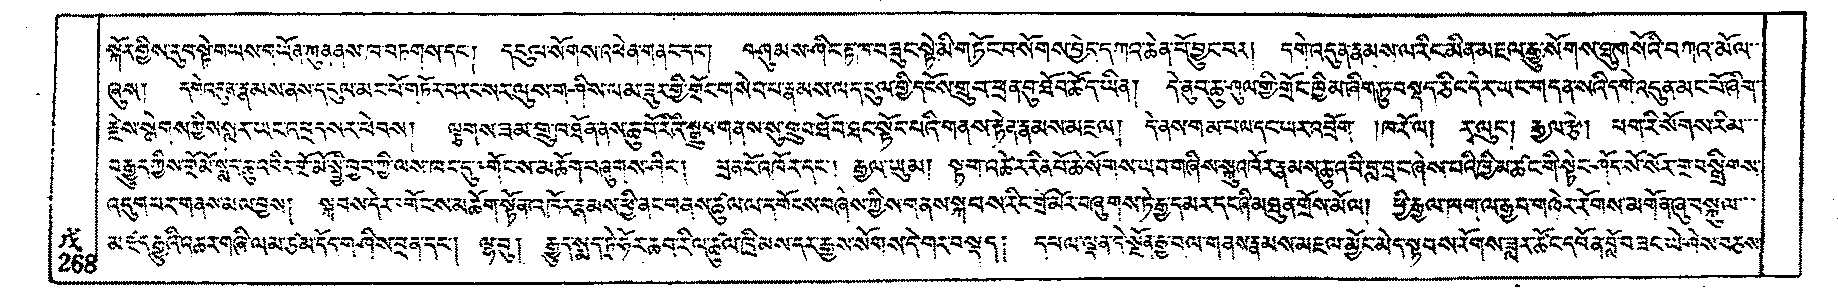སྐོར་གྱིས་རུབ་སྟེ་གཡས་གཡོན་ཀུན་ནས་ཁ་བཏགས་དང་། དངུལ་སོགས་འཕེན་གནང་དང་། བཤུམས་ཤིང་རྟ་ཁ་བཟུང་སྟེ་མི་གཏོང་བ་སོགས་བྱེད་དཀའ་ཆེན་པོ་བྱུང་བར། དགེ་འདུན་རྣམས་ལ་རིང་མིན་མཇལ་རྒྱུ་སོགས་ཐུགས་གསོའི་བཀའ་མོལ་
ཞུས། དགེ་འདུན་རྣམས་ནས་དངུལ་མང་པོ་གཏོར་བ་རང་སར་ལུས་གཤིས་ལམ་ཟུར་གྱི་གྲོང་གསེབ་པ་རྣམས་ལ་དངུལ་གྱི་དངོས་གྲུབ་ཕྲན་བུ་ཐོབ་ཚོད་ཡིན། དེ་ནུབ་ཆུ་ཤུལ་གྱི་གྲོང་ཁྱིམ་ཞིག་ཏུ་བསྡད་ཅིང་དེར་ཡང་གདན་སའི་དགེ་འདུན་མང་པོ་ཞིག་
རྗེས་སྙེགས་ཀྱིས་སླར་ཡང་འཕྲད་སར་ཕེབས། ལྕགས་ཟམ་གྲུ་ཁ་ཐོན་ནས་ཆུ་བོ་རིའི་སྒྲུབ་གནས་སུ་གྲུབ་ཐོབ་ཐང་སྟོང་པའི་གནས་རྟེན་རྣམས་མཇལ། དེ་ནས་གམ་པ་ལ་དང་ཡར་འབྲོག །ཁ་རོ་ལ། རྭ་ལུང་། རྒྱལ་རྩེ། ཕག་རི་སོགས་རིམ་
བརྒྱུད་ཀྱིས་གྲོ་མོ་སྨད་ཆུ་འབིར་གྲོ་མོ་སྤྱི་ཁྱབ་ཀྱི་ལས་ཁང་དུ་༧གོང་ས་མཆོག་བཞུགས་ཤིང་། ཕྲན་ངོ་འཁོར་དང་། རྒྱལ་ཡུམ། སྟག་འཚེར་རིན་པོ་ཆེ་སོགས་ཡབ་གཞིས་སྐུ་འཁོར་རྣམས་ཆུ་འབི་བླ་བྲང་ཞེས་པའི་ཁྱིམ་ཚང་གི་སྟེང་ཤོད་སོ་སོར་གྲ་བསྒྲིགས་
འདུག་པར་གནས་མལ་བྱས། སྐབས་དེར་༧གོང་ས་མཆོག་སྟོན་འཁོར་རྣམས་ཕྱི་ནང་གནས་ཚུལ་ལ་དགོངས་བཞེས་ཀྱིས་གནས་སྐབས་རིང་གྲོ་མོར་བཞུགས་ཏེ་རྒྱ་དམར་དང་ཞི་མཐུན་གྲོས་མོལ། ཕྱི་རྒྱལ་ཁག་ལ་རྒྱབ་གཉེར་རོགས་མགོན་ཞུ་བསྐུལ་
མཛད་རྒྱུའི་འཆར་གཞི་ལམ་ཙམ་དོད་གཤིས་ཕྲན་དང་། ལྷ་བུ། རྒྱུད་སྨད་ཏྲེ་ཧོར་ཆབ་རིལ་ཚུལ་ཁྲིམས་དར་རྒྱས་སོགས་དེ་གར་བསྡད། དཔལ་ལྡན་དེ་སྔོན་རྒྱ་བལ་གནས་རྣམས་མཇལ་མྱོང་མེད་སྟབས་རོགས་ཟླར་ཚོང་དཔོན་བློ་བཟང་ཡེ་ཤེས་བཅས་